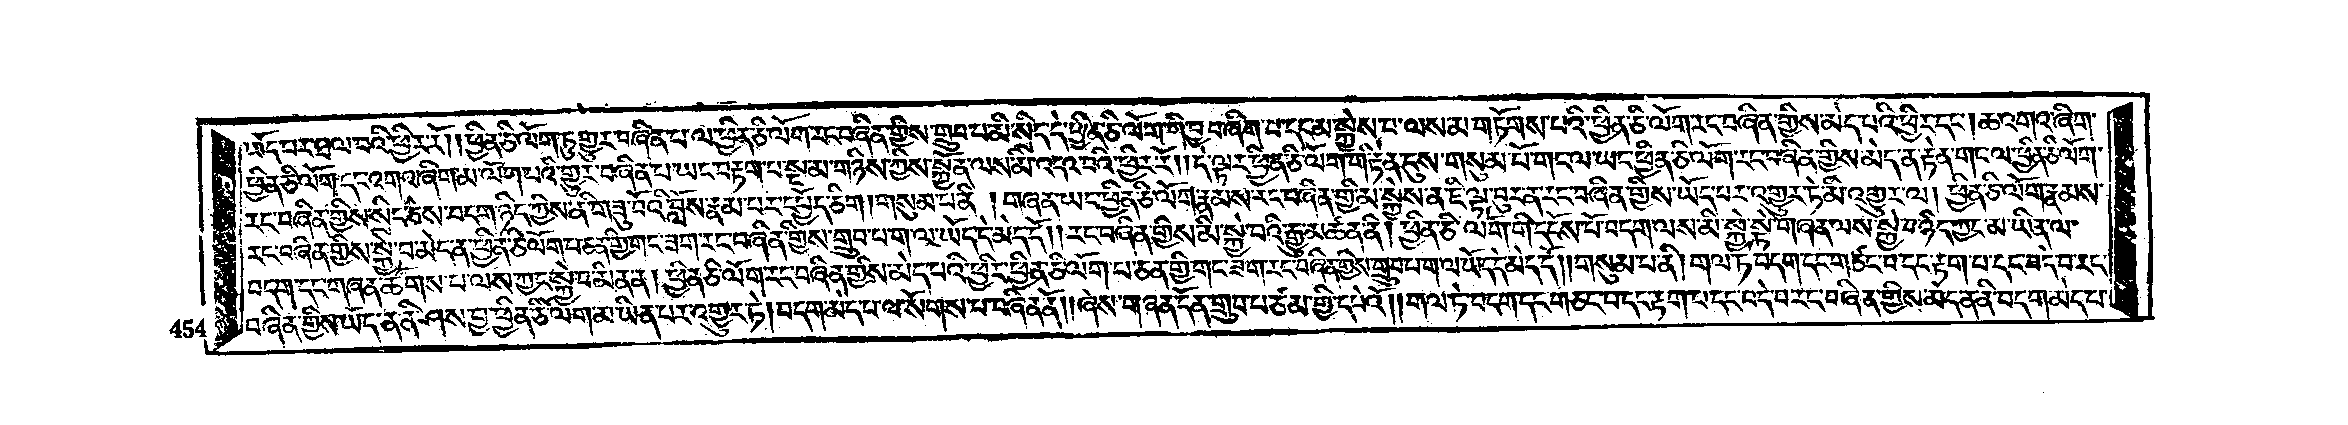ཡོད་པར་ཐལ་བའི་ཕྱིར་རོ། །ཕྱིན་ཅི་ལོག་ཏུ་གྱུར་བཞིན་པ་ལ་ཕྱིན་ཅི་ལོག་རང་བཞིན་གྱིས་གྲུབ་པ་མི་སྲིད་དེ་ཕྱིན་ཅི་ལོག་གི་བྱ་བ་ཞིག་པ་དང་མ་སྐྱེས་པ་ལས་མ་གཏོགས་པའི་ཕྱིན་ཅི་ལོག་རང་བཞིན་གྱིས་མེད་པའི་ཕྱིར་དང་། ཆ་འགའ་ཞིག་
ཕྱིན་ཅི་ལོག་དང་འགའ་ཞིག་མ་ལོག་པའི་གྱུར་བཞིན་པ་ཡང་བརྟག་པ་སྔ་མ་གཉིས་ཀྱིས་སྐྱོན་ལས་མི་འདའ་བའི་ཕྱིར་རོ། །དེ་ལྟར་ཕྱིན་ཅི་ལོག་གི་རྟེན་དུས་གསུམ་པོ་གང་ལ་ཡང་ཕྱིན་ཅི་ལོག་རང་བཞིན་གྱི་མེད་ན་རྟེན་གང་ལ་ཕྱིན་ཅི་ལོག་
རང་བཞིན་གྱིས་སྲིད་ཅེས་བདག་ཉིད་ཀྱིས་ནི་གཟུ་ངོའི་བློས་རྣམ་པར་དཔྱོད་ཅིག། གསུམ་པ་ནི། གཞན་ཡང་ཕྱིན་ཅི་ལོག་རྣམས་རང་བཞིན་གྱི་མ་སྐྱེས་ན་ཇི་ལྟ་བུར་ན་རང་བཞིན་གྱིས་ཡོད་པར་འགྱུར་ཏེ་མི་འགྱུར་ལ། ཕྱིན་ཅི་ལོག་རྣམས་
རང་བཞིན་གྱིས་སྐྱེ་བ་མེད་ན་ཕྱིན་ཅི་ལོག་པ་ཅན་གྱི་གང་ཟག་རང་བཞིན་གྱིས་གྲུབ་པ་ག་ལ་ཡོད་དེ་མེད་དོ། །རང་བཞིན་གྱིས་མི་སྐྱེ་བའི་རྒྱུ་མཚན་ནི། ཕྱིན་ཅི་ལོག་གི་དངོས་པོ་བདག་ལས་མི་སྐྱེ་སྟེ་གཞན་ལས་སྐྱེ་བ་ཉིད་ཀྱང་མ་ཡིན་ལ་
བདག་དང་གཞན་ཚོགས་པ་ལས་ཀྱང་སྐྱེ་བ་མིན་ན། ཕྱིན་ཅི་ལོག་རང་བཞིན་གྱིས་མེད་པའི་ཕྱིར་ཕྱིན་ཅི་ལོག་པ་ཅན་གྱི་གང་ཟག་རང་བཞིན་གྱིས་གྲུབ་པ་ག་ལ་ཡོད་དེ་མེད་དོ། །གསུམ་པ་ནི། གལ་ཏེ་བདག་དང་གཙང་བ་དང་རྟག་པ་དང་བདེ་བ་རང་
བཞིན་གྱིས་ཡོད་ན་ནི་ཤས་བྱ་ཕྱིན་ཅི་ལོག་མ་ཡིན་པར་འགྱུར་ཏེ། བདག་མེད་པ་ལ་སོགས་པ་བཞིན་ནོ། །ཞེས་གཞན་དོན་གྲུབ་པ་ཙམ་གྱི་དཔེའོ། །གལ་ཏེ་བདག་དང་གཅང་བ་དང་རྟག་པ་དང་བདེ་བ་རང་བཞིན་གྱིས་མེད་ན་ནི་བདག་མེད་པ་